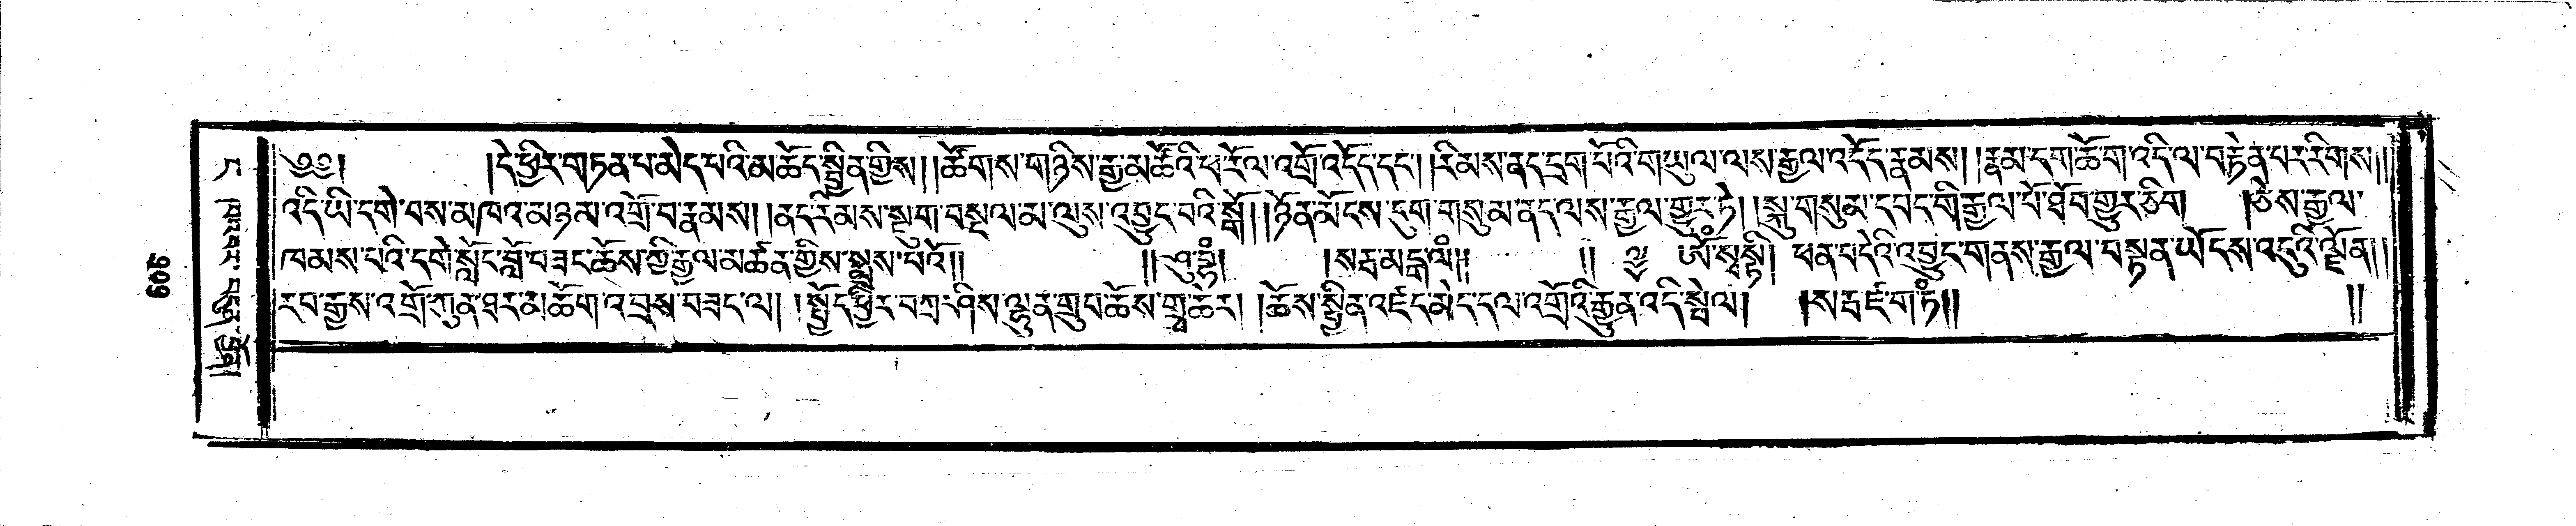༄༅། །དེ་ཕྱིར་གཏན་པ་མེད་པའི་མཆོད་སྦྱིན་གྱིས། །ཚོགས་གཉིས་རྒྱ་མཚོའི་ཕ་རོལ་འགྲོ་འདོད་དང་། །རིམས་ནད་དྲག་པོའི་གཡུལ་ལས་རྒྱལ་འདོད་རྣམས། །རྣམ་དག་ཆོ་ག་འདི་ལ་བརྟེན་པར་རིགས།།
འདི་ཡི་དགེ་བས་མཁའ་མཉམ་འགྲོ་བ་རྣམས། །ནད་རིམས་སྡུག་བསྔལ་མ་ལུས་འབྱུང་བའི་སྒོ། །ཉོན་མོངས་དུག་གསུམ་ནད་ལས་རྒྱལ་གྱུར་ཏེ། །སྐུ་གསུམ་དབང་གི་རྒྱལ་པོ་ཐོབ་གྱུར་ཅིག །ཅེས་རྒྱལ་
ཁམས་པའི་དགེ་སློང་བློ་བཟང་ཆོས་ཀྱི་རྒྱལ་མཚན་གྱིས་སྨྲས་པའོ།། །།ཤུ་བྷཾ། །སརྦ་མངྒ་ལཾ།། །། ༈ ཨོཾ་སྭསྟི། ཕན་བདེའི་འབྱུང་གནས་རྒྱལ་བསྟན་ཡོངས་འདུའི་ལྗོན།།
རབ་རྒྱས་འགྲོ་ཀུན་ཐར་མཆོག་འབྲས་བཟང་ལ། །སྤྱོད་ཕྱིར་བཀྲ་ཤིས་ལྷུན་གྲུབ་ཆོས་གྲྭ་ཆེར། །ཆོས་སྦྱིན་མཛད་མེད་དལ་འགྲོའི་རྒྱུན་འདི་སྤེལ། །སརྦ་ཛ་ག་ཏཾ།། །།